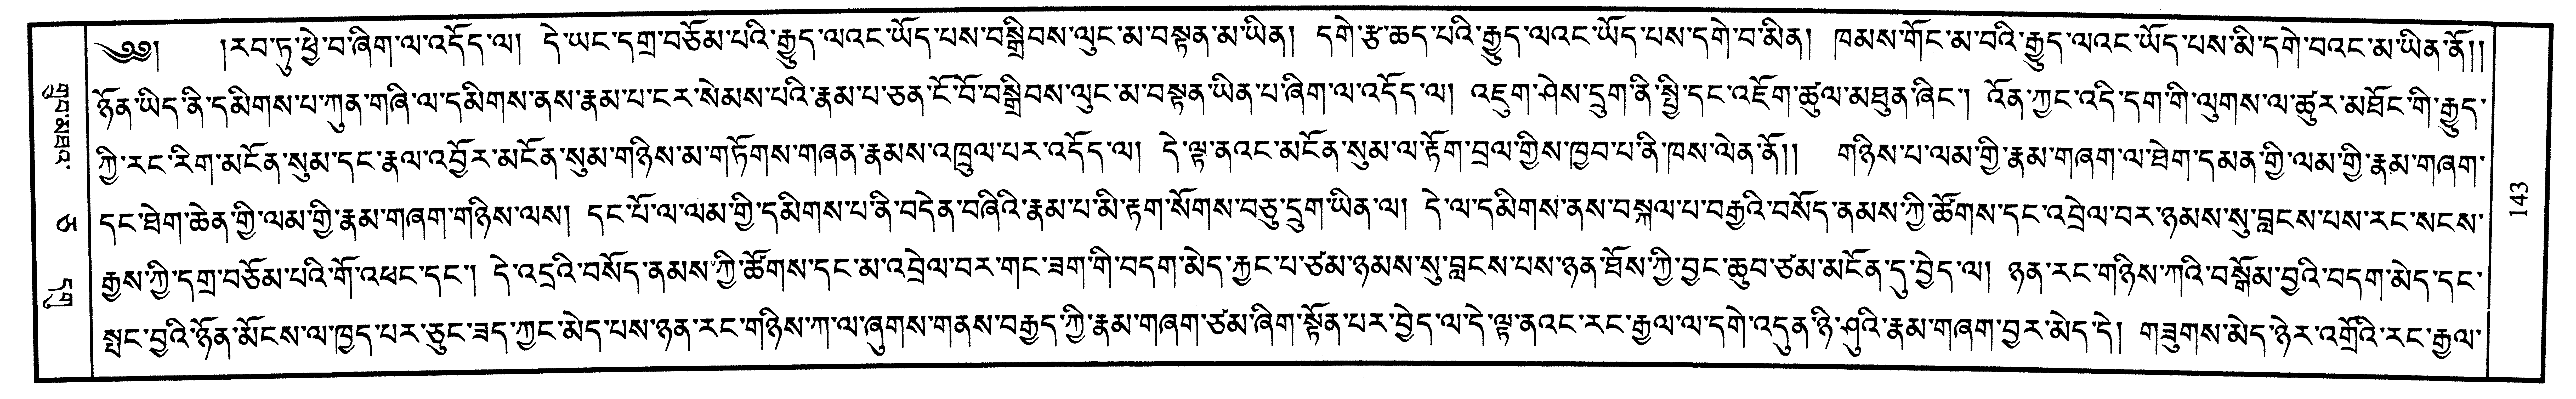༄༅། །རབ་ཏུ་ཕྱེ་བ་ཞིག་ལ་འདོད་ལ། དེ་ཡང་དགྲ་བཅོམ་པའི་རྒྱུད་ལའང་ཡོད་པས་བསྒྲིབས་ལུང་མ་བསྟན་མ་ཡིན། དགེ་རྩ་ཆད་པའི་རྒྱུད་ལའང་ཡོད་པས་དགེ་བ་མིན། ཁམས་གོང་མ་བའི་རྒྱུད་ལའང་ཡོད་པས་མི་དགེ་བའང་མ་ཡིན་ནོ།།
ཉོན་ཡིད་ནི་དམིགས་པ་ཀུན་གཞི་ལ་དམིགས་ནས་རྣམ་པ་ངར་སེམས་པའི་རྣམ་པ་ཅན་ངོ་བོ་བསྒྲིབས་ལུང་མ་བསྟན་ཡིན་པ་ཞིག་ལ་འདོད་ལ། འཇུག་ཤེས་དྲུག་ནི་སྤྱི་དང་འཇོག་ཚུལ་མཐུན་ཞིང་། འོན་ཀྱང་འདི་དག་གི་ལུགས་ལ་ཚུར་མཐོང་གི་རྒྱུད་
ཀྱི་རང་རིག་མངོན་སུམ་དང་རྣལ་འབྱོར་མངོན་སུམ་གཉིས་མ་གཏོགས་གཞན་རྣམས་འཁྲུལ་པར་འདོད་ལ། དེ་ལྟར་ནའང་མངོན་སུམ་ལ་རྟོག་བྲལ་གྱིས་ཁྱབ་པ་ནི་ཁས་ལེན་ནོ།། གཉིས་པ་ལམ་གྱི་རྣམ་གཞག་ལ་ཐེག་དམན་གྱི་ལམ་གྱི་རྣམ་གཞག་
དང་ཐེག་ཆེན་གྱི་ལམ་གྱི་རྣམ་གཞག་གཉིས་ལས། དང་པོ་ལ་ལམ་གྱི་དམིགས་པ་ནི་བདེན་བཞིའི་རྣམ་པ་མི་རྟག་སོགས་བཅུ་དྲུ་ཡིན་ལ། དེ་ལ་དམིགས་ནས་བསྐལ་པ་བརྒྱའི་བསོད་ནམས་ཀྱི་ཚོགས་དང་འབྲེལ་བར་ཉམས་སུ་བླངས་པས་རང་སངས་
རྒྱས་ཀྱི་དགྲ་བཅོམ་པའི་གོ་འཕང་དང་། དེ་འདྲའི་བསོད་ནམས་ཀྱི་ཚོགས་དང་མ་འབྲེལ་བར་གང་ཟག་གི་བདག་མེད་རྐྱང་པ་ཙམ་ཉམས་སུ་བླངས་པས་ཉན་ཐོས་ཀྱི་བྱང་ཆུབ་ཙམ་མངོན་དུ་བྱེད་ལ། ཉན་རང་གཉིས་ཀའི་བསྒོམ་བྱའི་བདག་མེད་དང་
སྤང་བྱའི་ཉོན་མོངས་ལ་ཁྱད་པར་ཅུང་ཟད་ཀྱང་མེད་པས་ཉན་རང་གཉིས་ཀ་ལ་ཞུགས་གནས་བརྒྱད་ཀྱི་རྣམ་གཞག་ཙམ་ཞིག་སྟོན་པར་བྱེད་ལ་དེ་ལྟ་ནའང་རང་རྒྱལ་ལ་དགེ་འདུན་ཉི་ཤུའི་རྣམ་གཞག་བྱར་མེད་དེ། གཟུགས་མེད་ཉེར་འགྲོའི་རང་རྒྱལ་